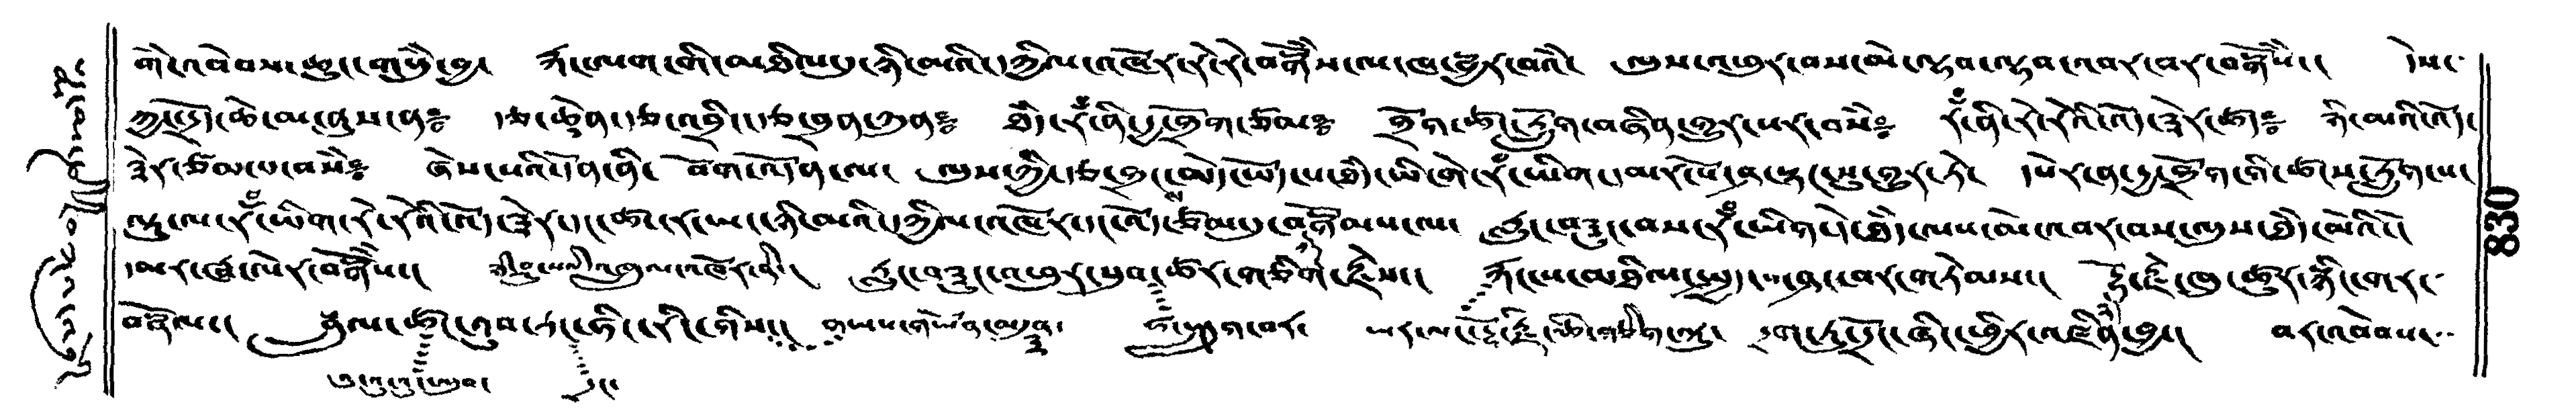གམ་འབེབས་ཆུང་གསུམ་བྱ། རྐང་ལག་གི་མཐིལ་དུ་ཉི་མའི་དཀྱིལ་འཁོར་རེ་རེ་བསྒོམ་ལ་ཁ་སྦྱར་བའམ། ལུས་འཕུར་བས་མེ་ལྷབ་ལྷབ་འབར་བར་བསྒོམ། དེས་
ཀྱང་དྲོད་ཆེ་མ་ནུས་ན༔ རྩ་ཆེན་རྩ་འབྲིང་རྩ་བྲན་ཀུན༔ ཐམས་ཅད་རྃ་ནི་རྒྱ་གྲོག་ཙམ༔ གྲོག་ཚང་རློག་བཞིན་གྱུར་པར་བསམ༔ རྃ་ནི་རེ་རེའི་འོད་ཟེར་ཚད༔ ཉི་མའི་འོད་
ཟེར་ཙམ་པ་བསམ༔ ཞེས་པའི་དོན་ནི། བོགས་འདོན་ལ། ལུས་ཀྱི་རྩ་གྲངས་མེད་ཡོད་པ་ཐམས་ཅད་ཡི་གེ་རྃ་ཡིག་དམར་པོ་ཤ་སྟག་ཏུ་གྱུར་ཏེ། དཔེར་ན་རྒྱ་གྲོག་གི་ཚང་སློག་པ་
ལྟ་བུ་ལ་རྃ་ཡིག་རེ་རེའི་འོད་ཟེར་དང་ཚ་ངར་ཡང་ཉི་མའི་དཀྱིལ་འཁོར་དང་འོད་ཙམ་དུ་བསྒོམ་ལ། རླུང་བཟུང་བས་རྃ་ཡིག་དེ་ཐམས་ཅད་ལས་མེ་འབར་བས་ལུས་ཐམས་ཅད་མེའི་ངོ་བོ་
དམར་ཝ་ལེར་བསྒོམ། ཉི་ཤུ་པའི་འཁྲུལ་འཁོར་ནི། རླུང་བཟུང་འཕུར་སུབ་ཚར་གཅིག་རྗེས། །རྐང་པ་མཐིལ་སྤྱད་པ་ཤང་བར་གཏེམས། །རྡོ་རྗེ་ཁུ་ཚུར་སྙིང་གར་
བསྣོལ། །སྦྲུལ་ཚང་འུབ་ཏང་ཧིང་རིང་གིས། །དྲག་ཏུ་( དྲོང་ ? ) བགྲང་ཞིང་ཕྱིར་འཛིན་བྱ། །བར་འབེབས་